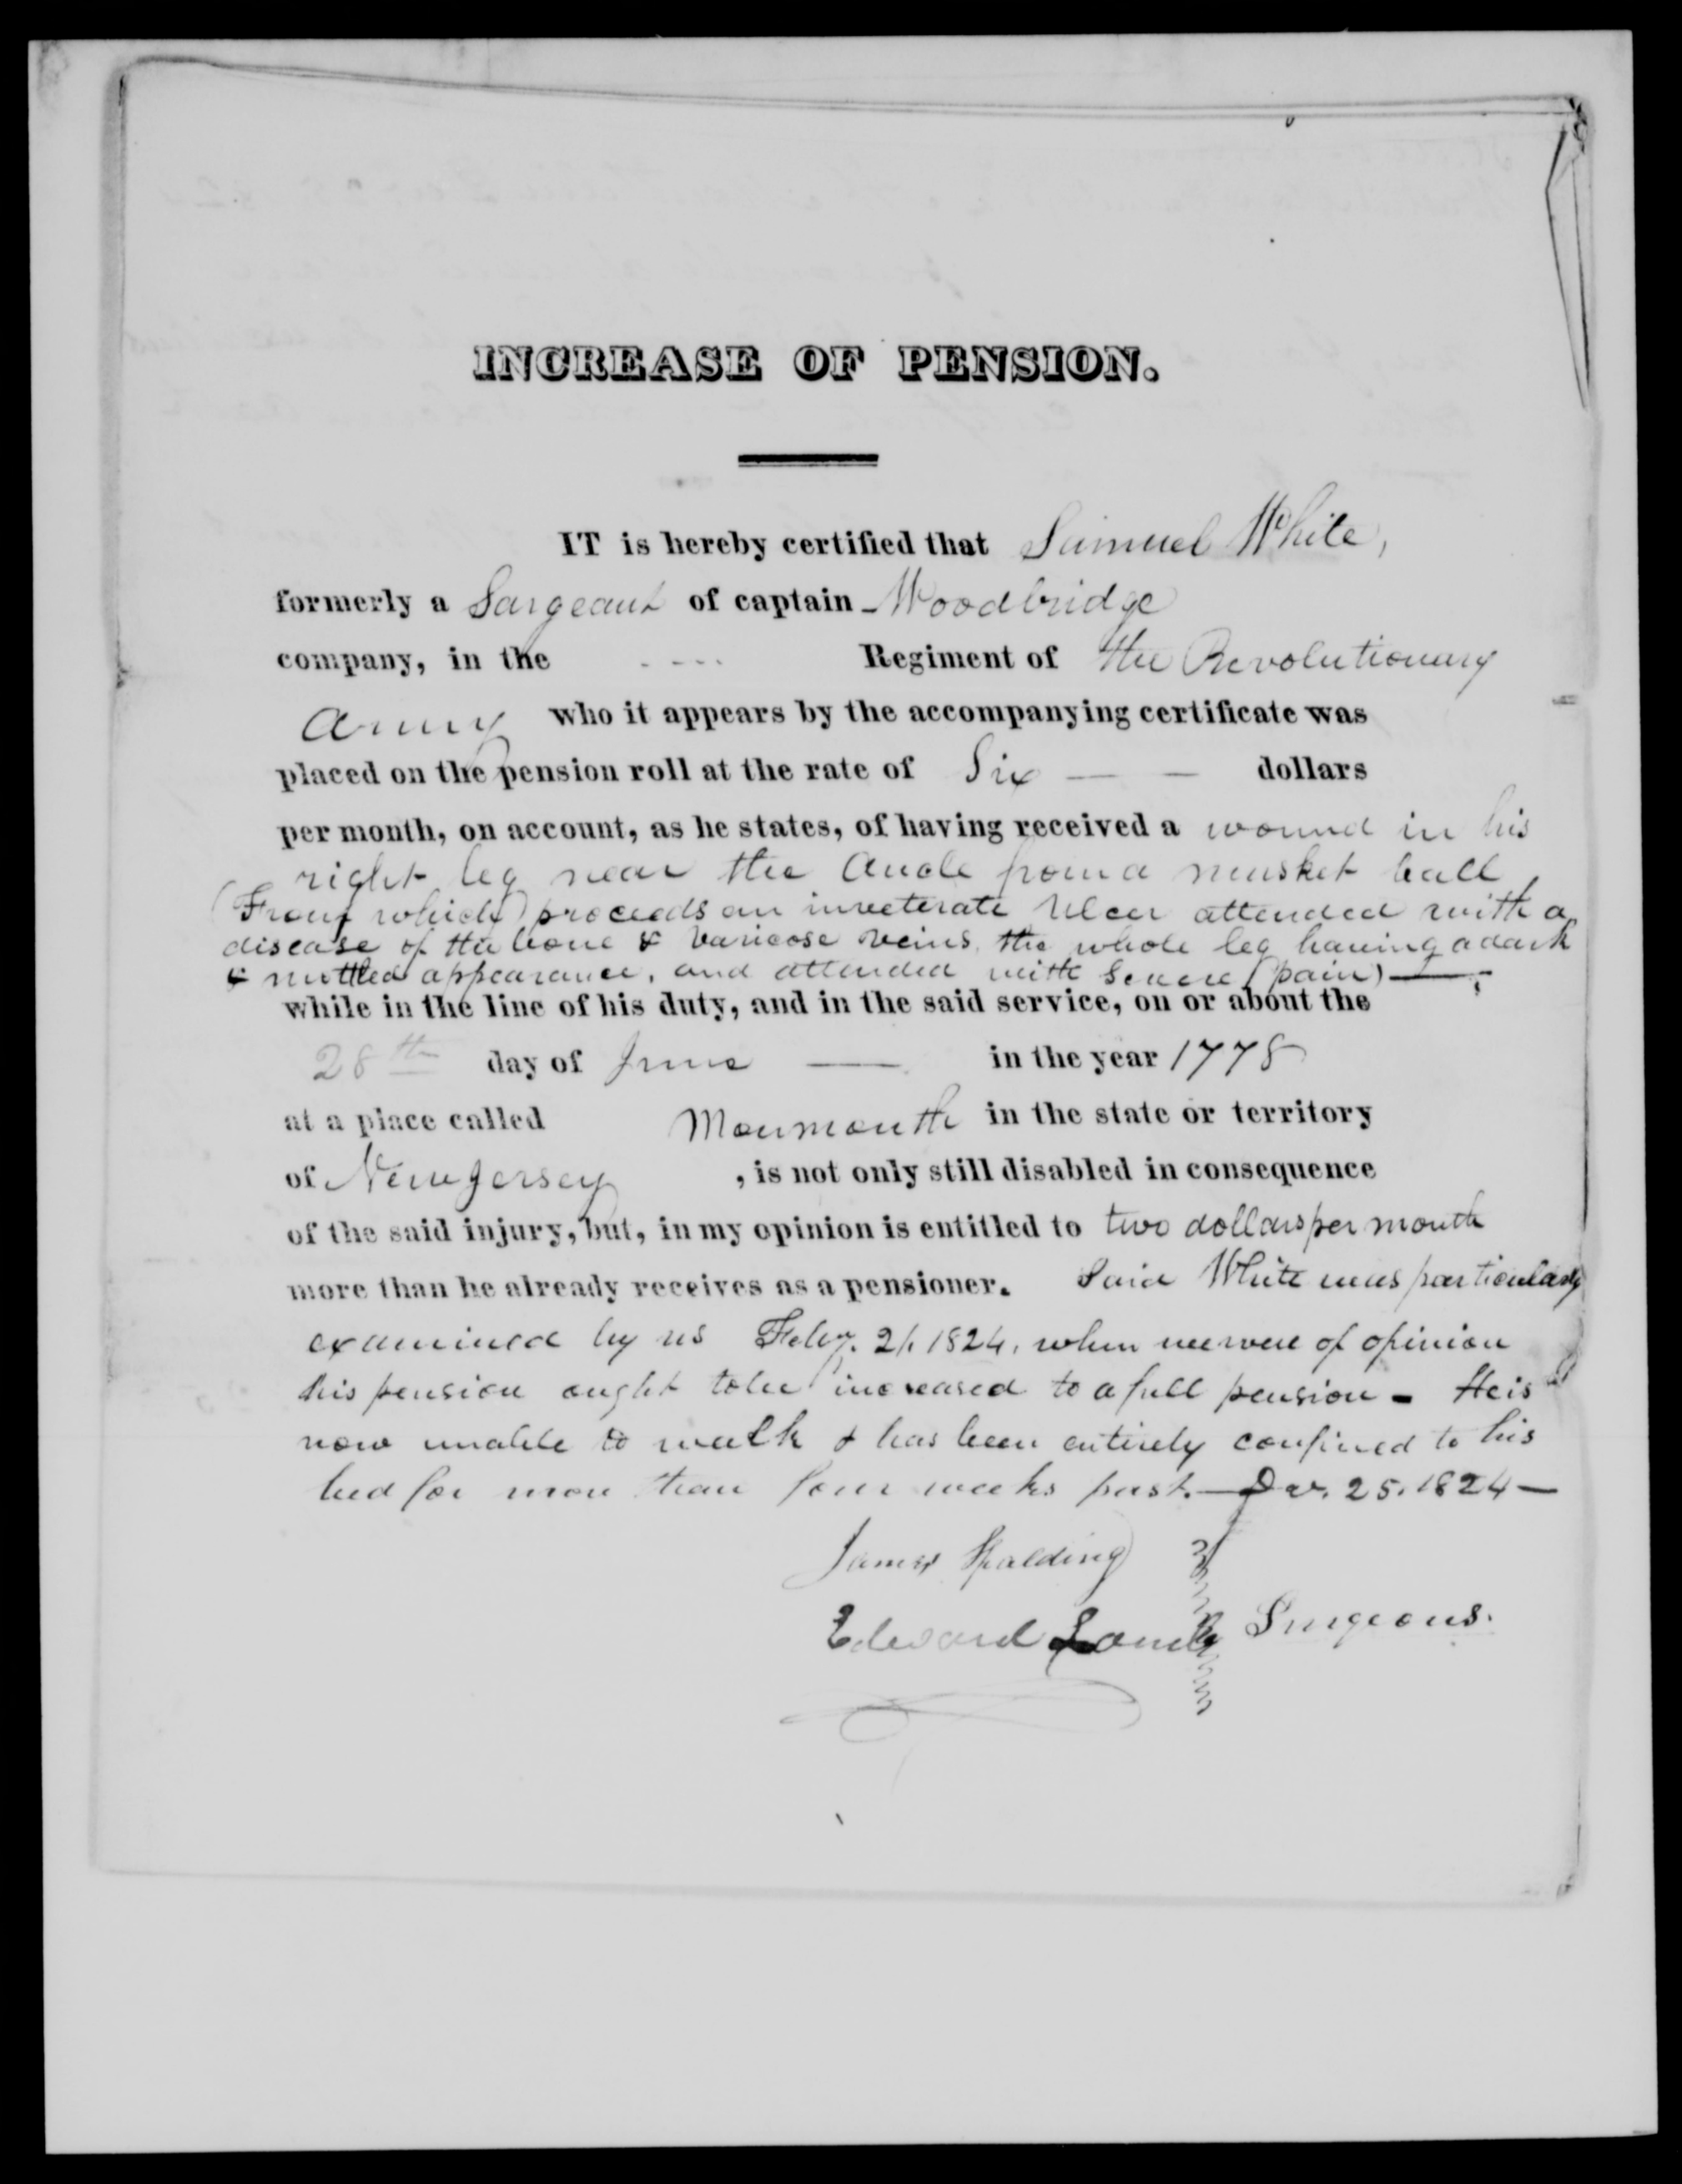INCREASE OF PENSION

It is hereby certified that Samuel White, formerly a Sargeant of captain Woodbridge company, in the .....Regiment of the Revolutionary Army who appears by the accompanying certificate was placed on the pension roll at the rate of Six dollars per month, on account, he states, of having received a wound in his right leg near the ankle from a musket ball from which proceeds an inveterate ulcer attended with a disease of the bone & varicose veins the whole leg having a dark & mottled appearance, and attended with severe pain while in the line of his duty, and in the said service, on or about the 28th day of June in the year 1778 at a place called Monmouth in the state or territory of New Jersey, is not only still disabled in consequence of the said injury, but, in my opinion is entitled to two dollars per month more that he already receives as a pensioner. Said White was particularly examined by us Feby. 21. 1824 when we were of opinion his pension ought to be increased to a full pension. He is now unable to walk & has been entirely confined to his bed for more than four weeks past.  Dec. 25, 1824
James Spalding
Edward Lamb Surgeons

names: Edward Lamb, Samuel White, James Spalding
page: 51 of 79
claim: survivor's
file: S. 11759, Samuel White, Mass.